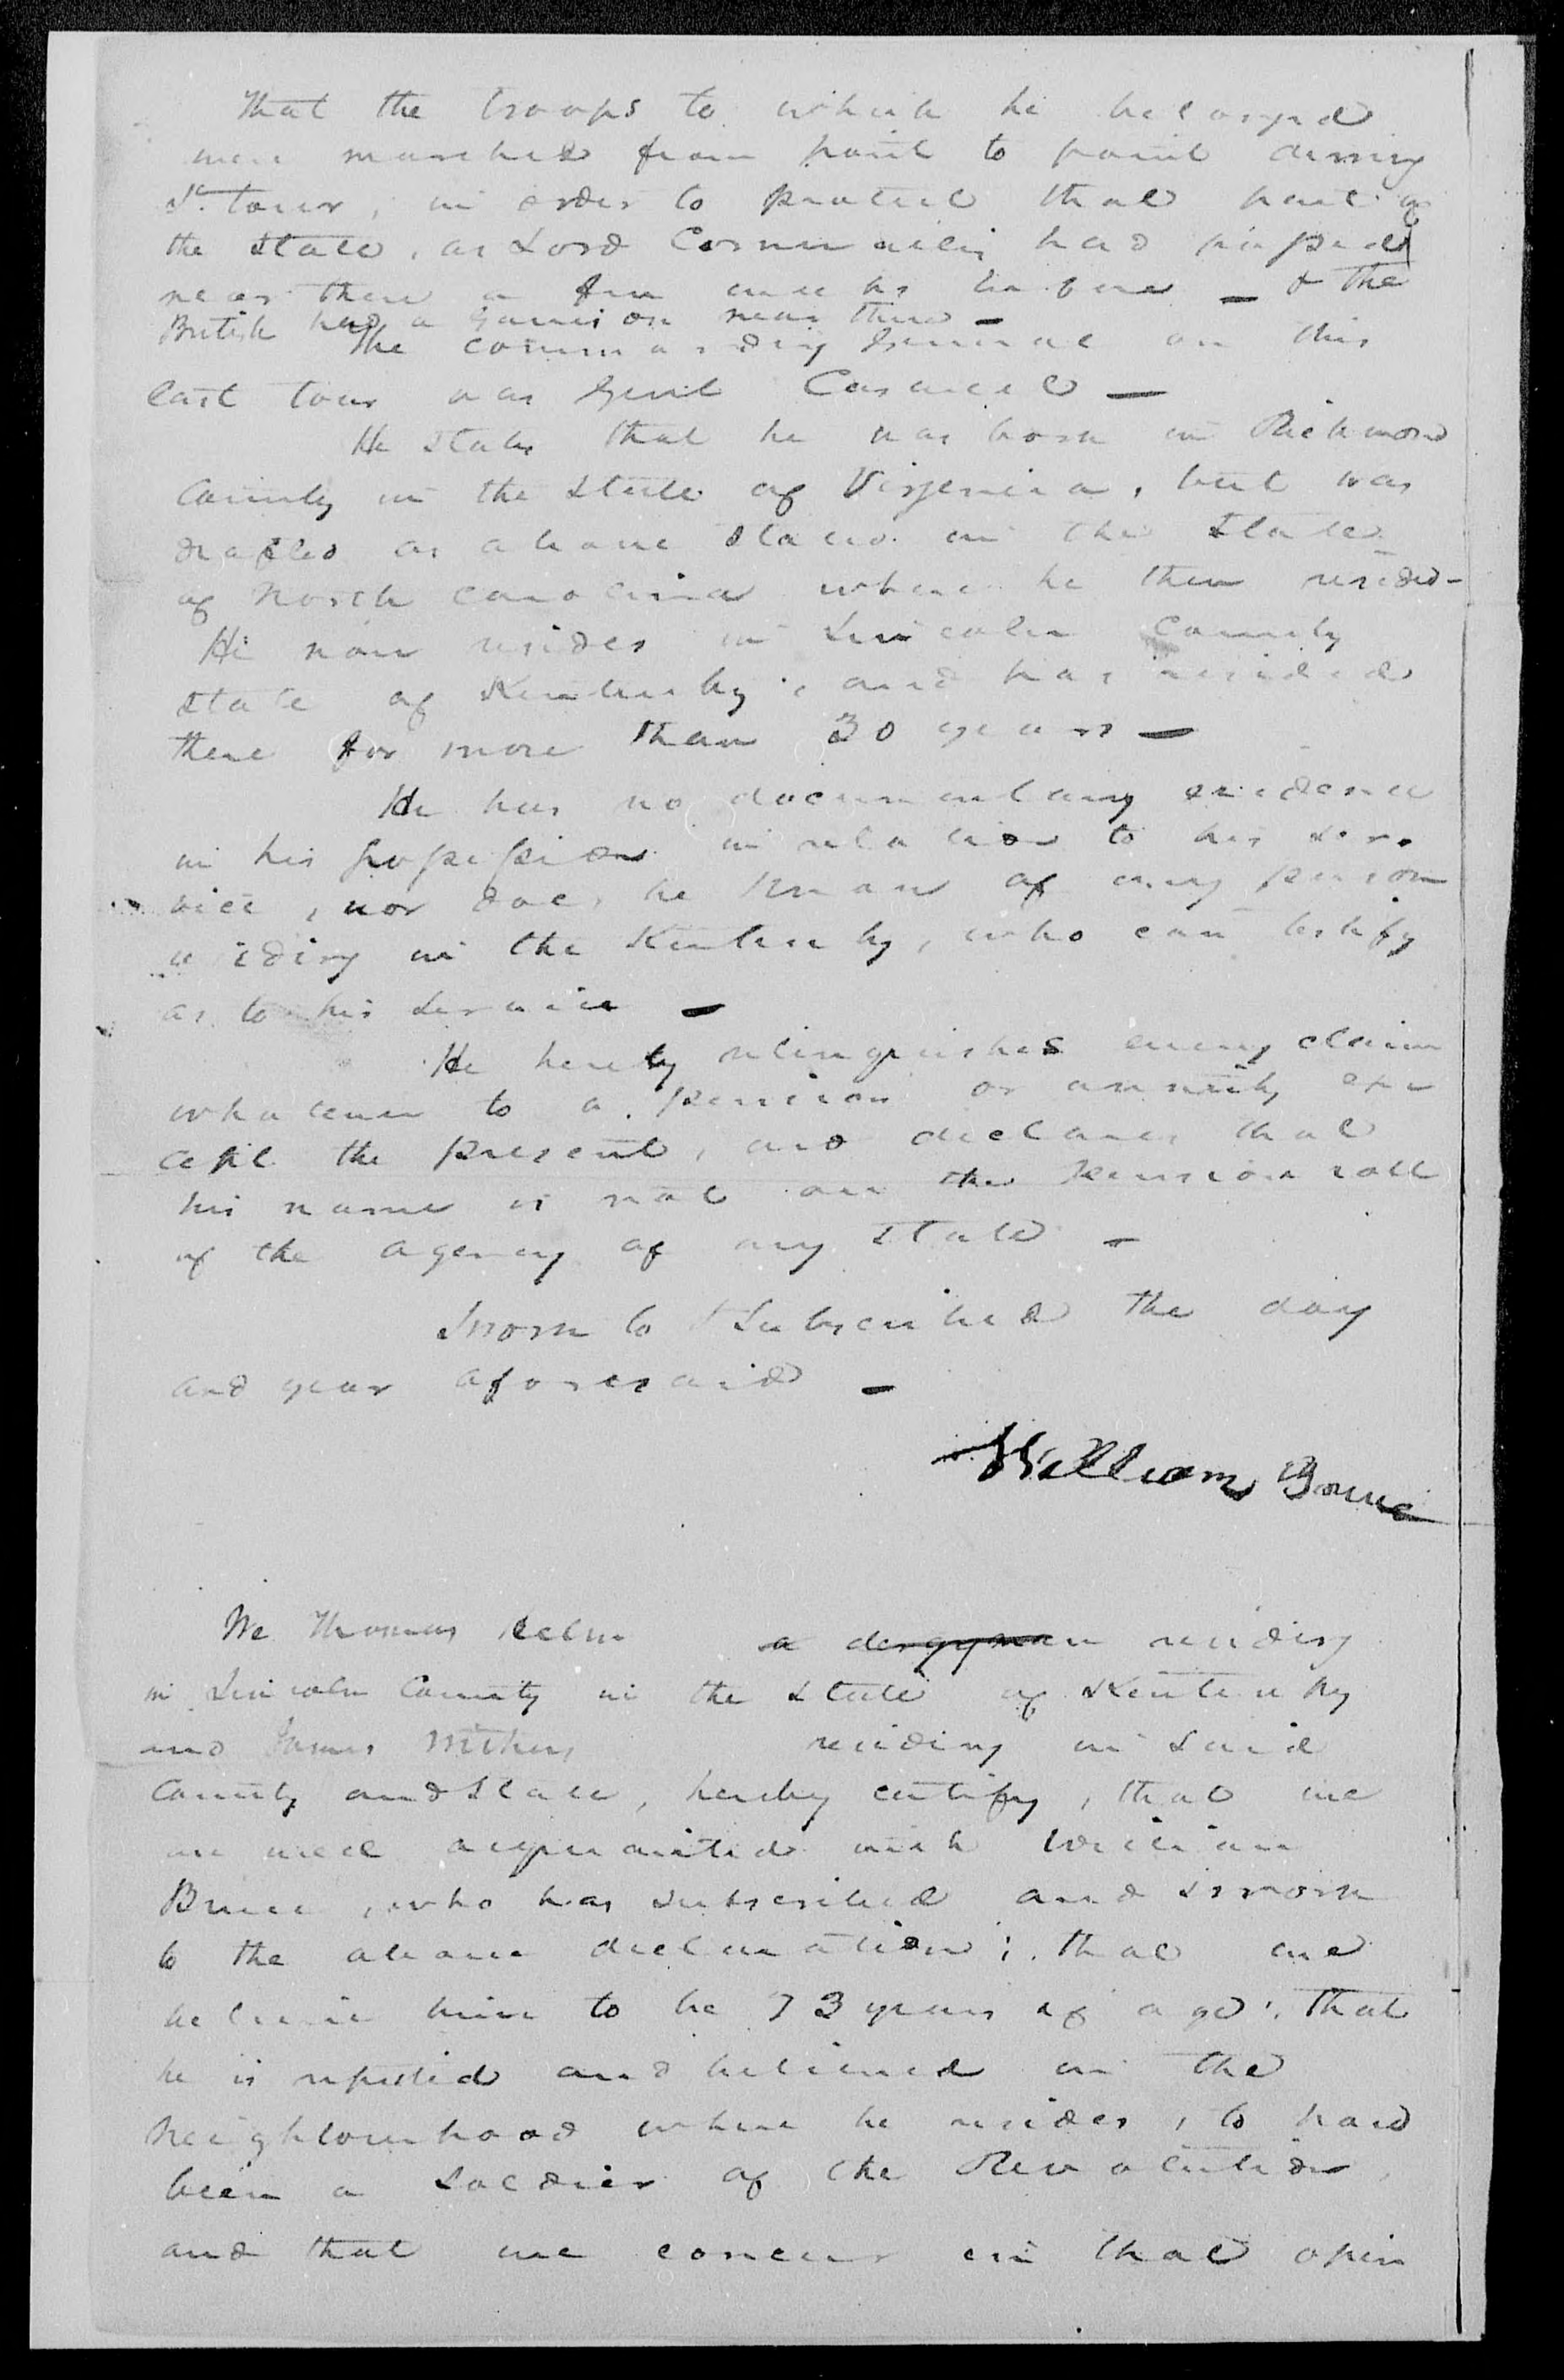That the troops to which he belonged were marched from point to point during s’d. [said] tour, in order to protect that part of the state, as Lord Cornwallis had passed near there a few weeks before – & the British had a garrison near there. 

The commanding General on this last tour was Gen’l [General Richard] Caswell. 

He states that he was born in Richmond County in the State of Virginia, but was drafted as above stated in the state of North Carolina where he then resided. He now resides in Lincoln County State of Kentucky, and has resided there for more than 30 years. 

He has no documentary evidence in his possession in relation to his service, nor does he know of any person residing in the Kentucky, who can testify as to his service. 

He hereby relinquishes every claim whatever to a pension or annuity except the present, and declares that his name is not on the pension roll of the agency of any state. 

Sworn to & subscribed the day and year aforesaid.
William Bruce

We Thomas Helm in Lincoln County in the State of Kentucky and James Withers residing in said County and State, hereby certify, that we are well acquainted with William Bruce who has subscribed and sworn to the above declaration; that we believe him to be 73 years of age, that he is reputed and believed in the Neighbourhood where he resides, to have been a soldier of the Revolution and that we concur in that opin- [opinion]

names: Thomas Helm, William Bruce, James Withers, William Bruce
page: 6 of 54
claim: survivor's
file: S. 30287, William Bruce, N.C.